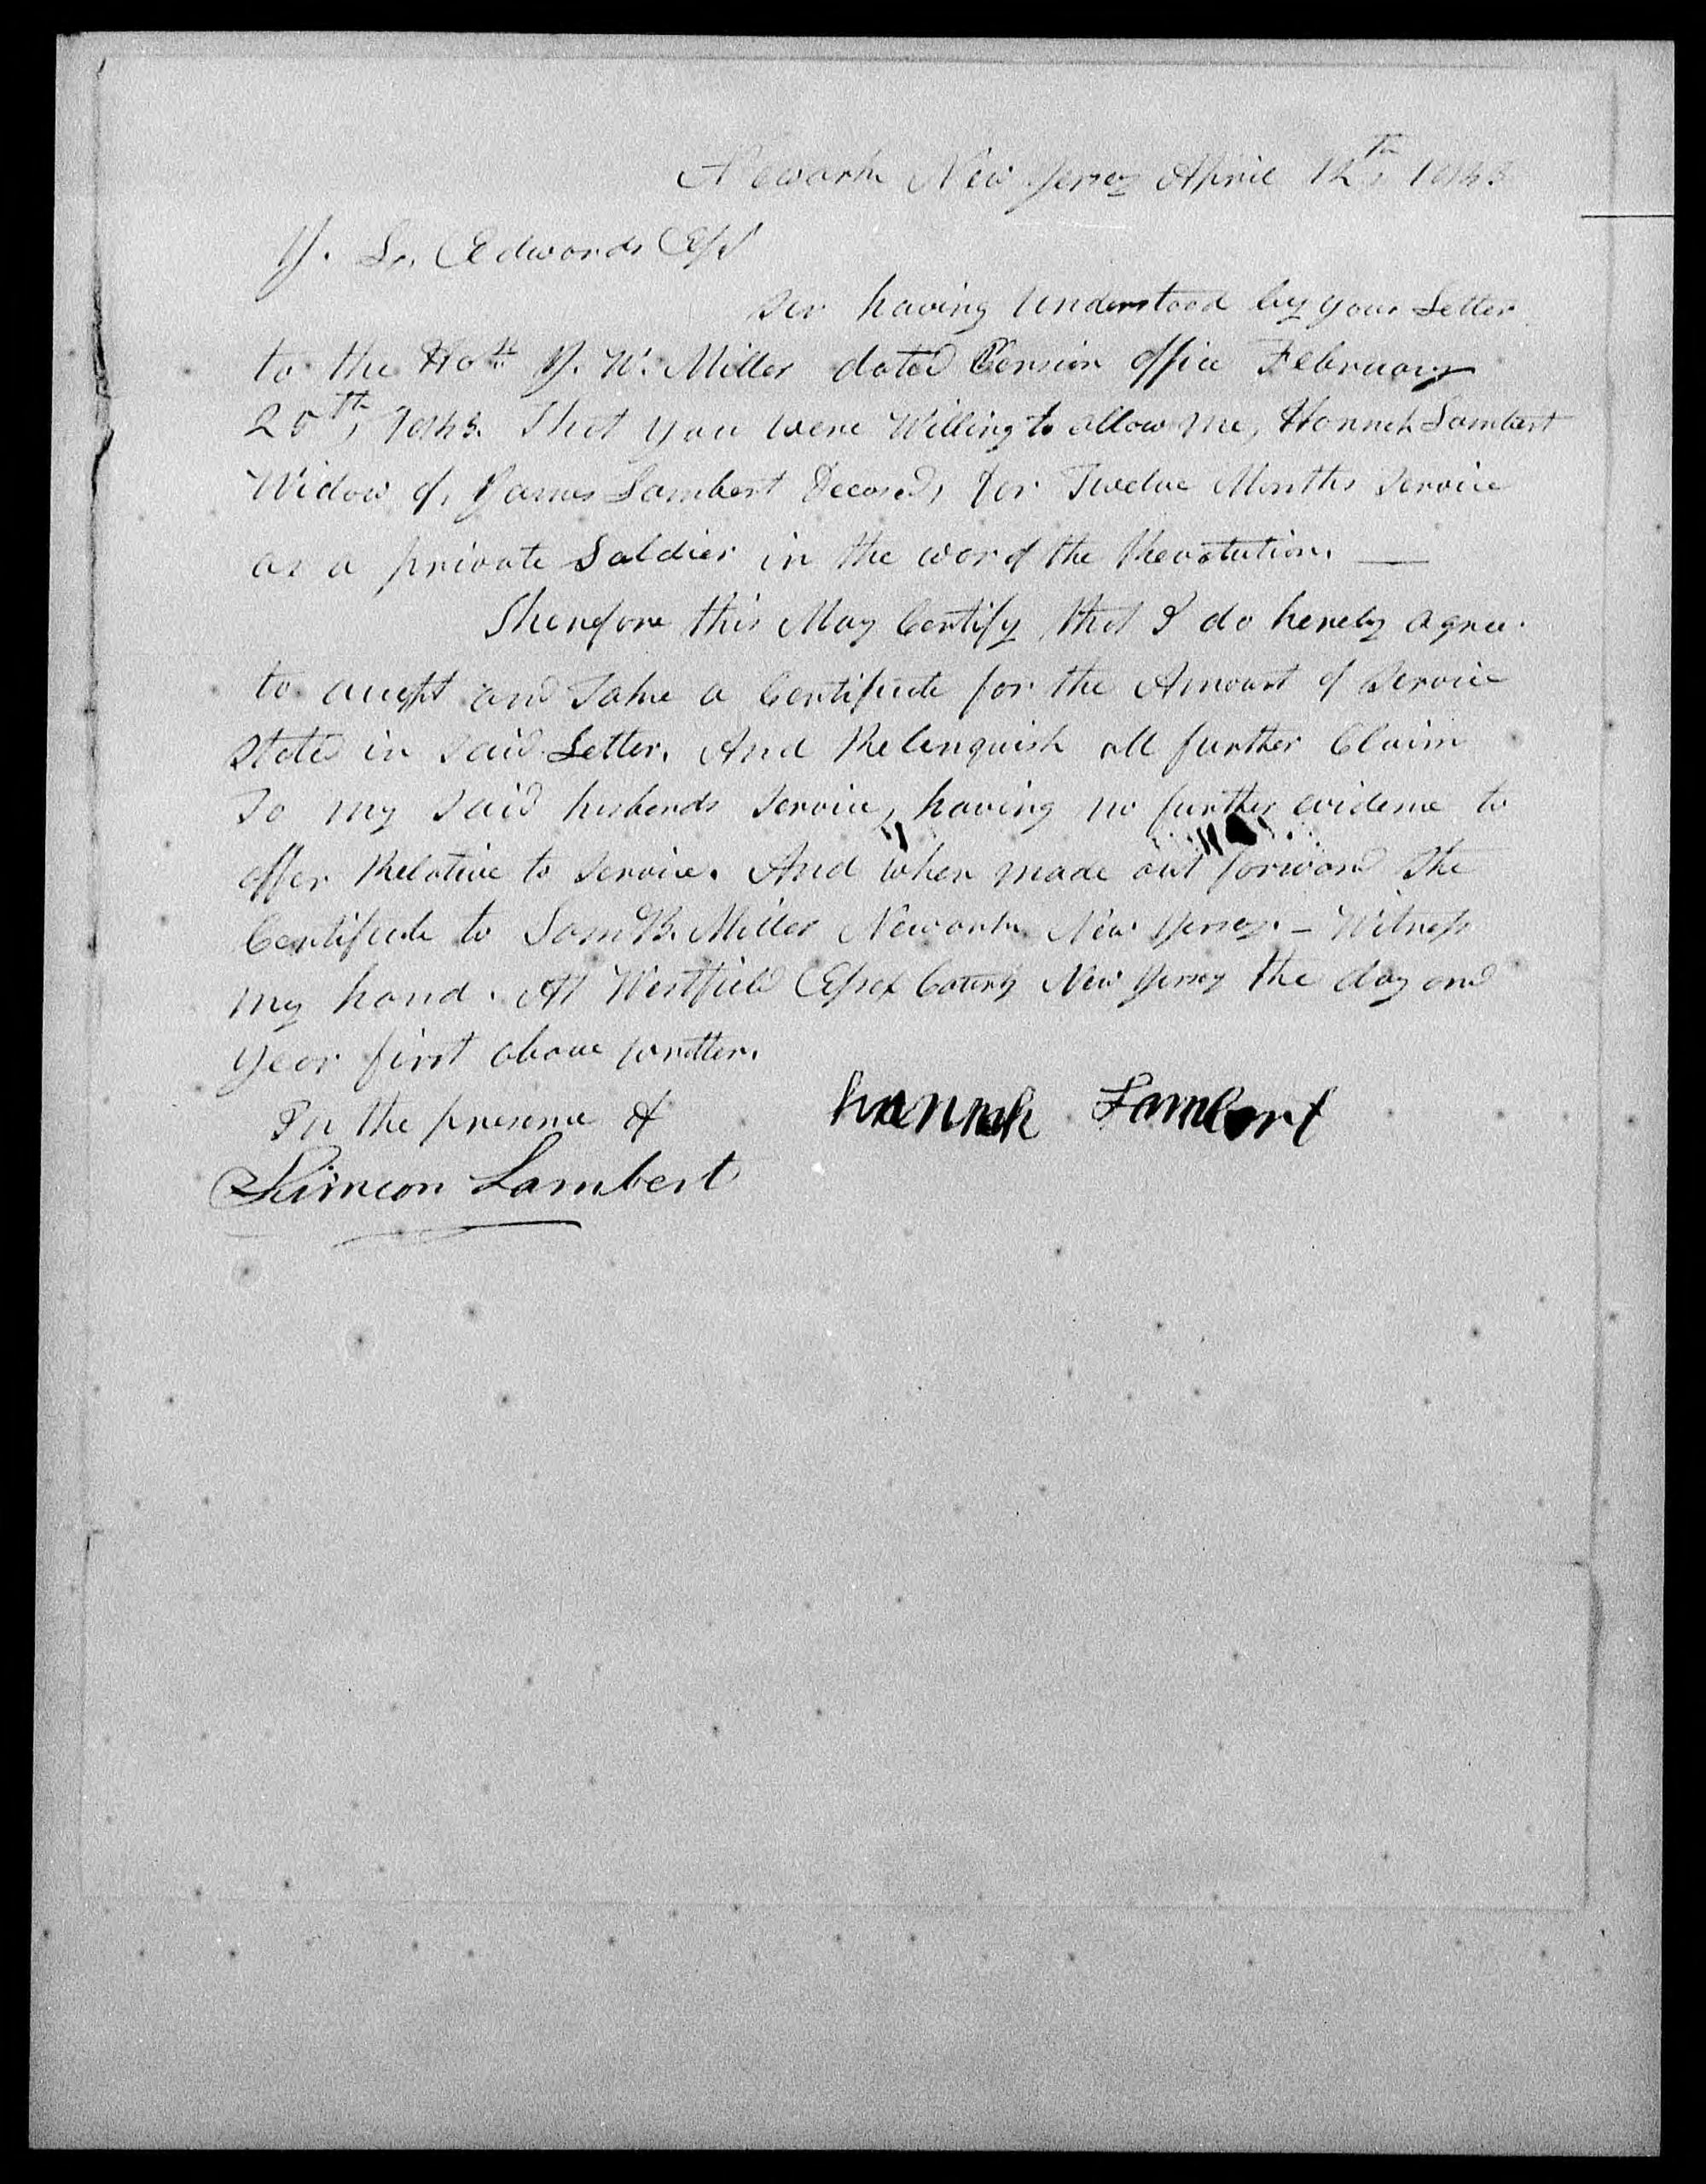Newark New Jersey April 12th 1843
J. L. Edwards Esq
Sir having understood by your Letter to the Hon J. W. Miller dated Pension Office February
25th 1843. That you were willing to allow me, Hannah Lambert Widow of James Lambert Deceased, for Twelve Months Service as a private soldier in the war of the Revolution
---
Therefore this May Certify that I do hereby agree to accept and take a certificate for the Amount of Service stated in said Letter, and relinquish all further Claim to my said husbands service, having no further evidence to offer relative to service. And when made out forward the Certificate to Saml B. Miller Newark New Jersey - Witness my hand at Westfield Essex County New Jersey the day and
year first above written.
Hannah Lambert
 In the presence of
Simon Lambert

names: J L Edwards; Saml B Miller; James Lambert; J W Miller; Hannah Lambert; Simeon Lambert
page: 46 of 49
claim: widow's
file: W. 859, for James Lambert, New Jersey